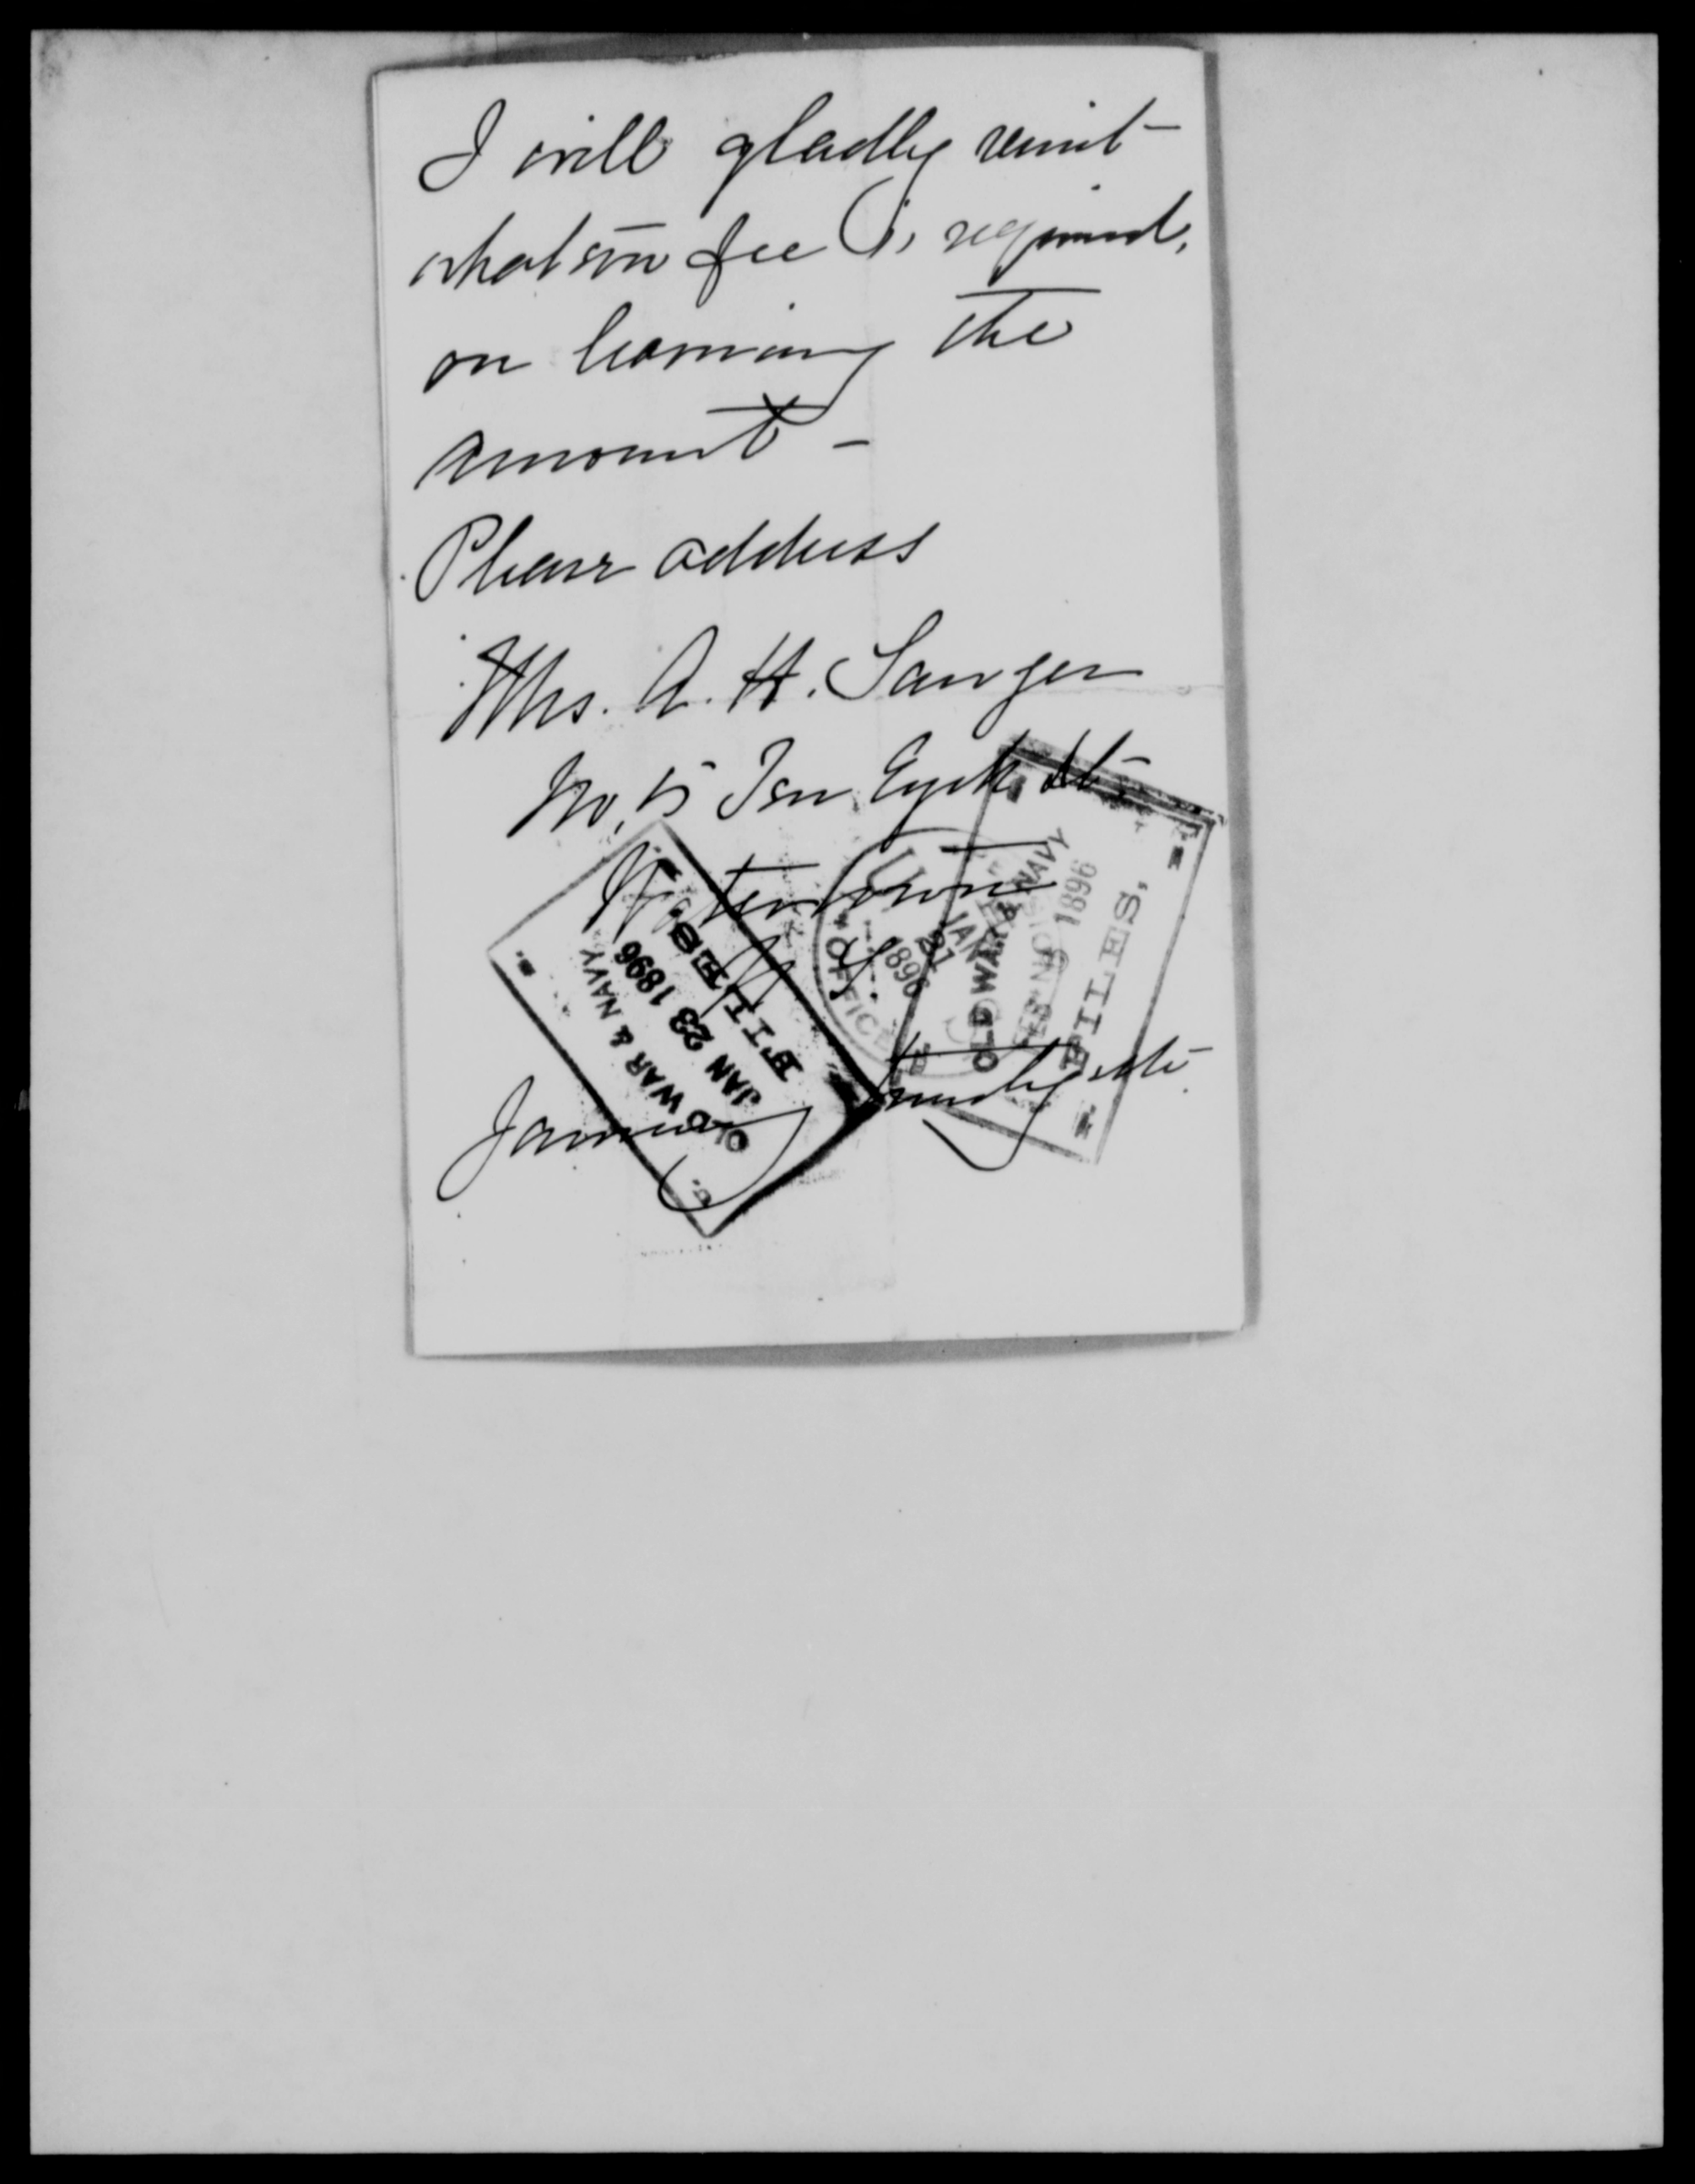I will gladly remit whatever fee is required on having the amount.
Pleae address
Mrs. A. H. Sawyer No 5 Ten Eyck St
Watertown N. Y.
January (illegible)

(stamp) Old War & Navy Files Jan 23 1896

(stamp) Old War & Navy Riles Feb 3 1896

(stamp) Pension Office Jan 21 1896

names: A H Sawyer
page: 45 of 63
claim: widow's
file: W. 22,632, David Williams, Conn. Continental Privateer